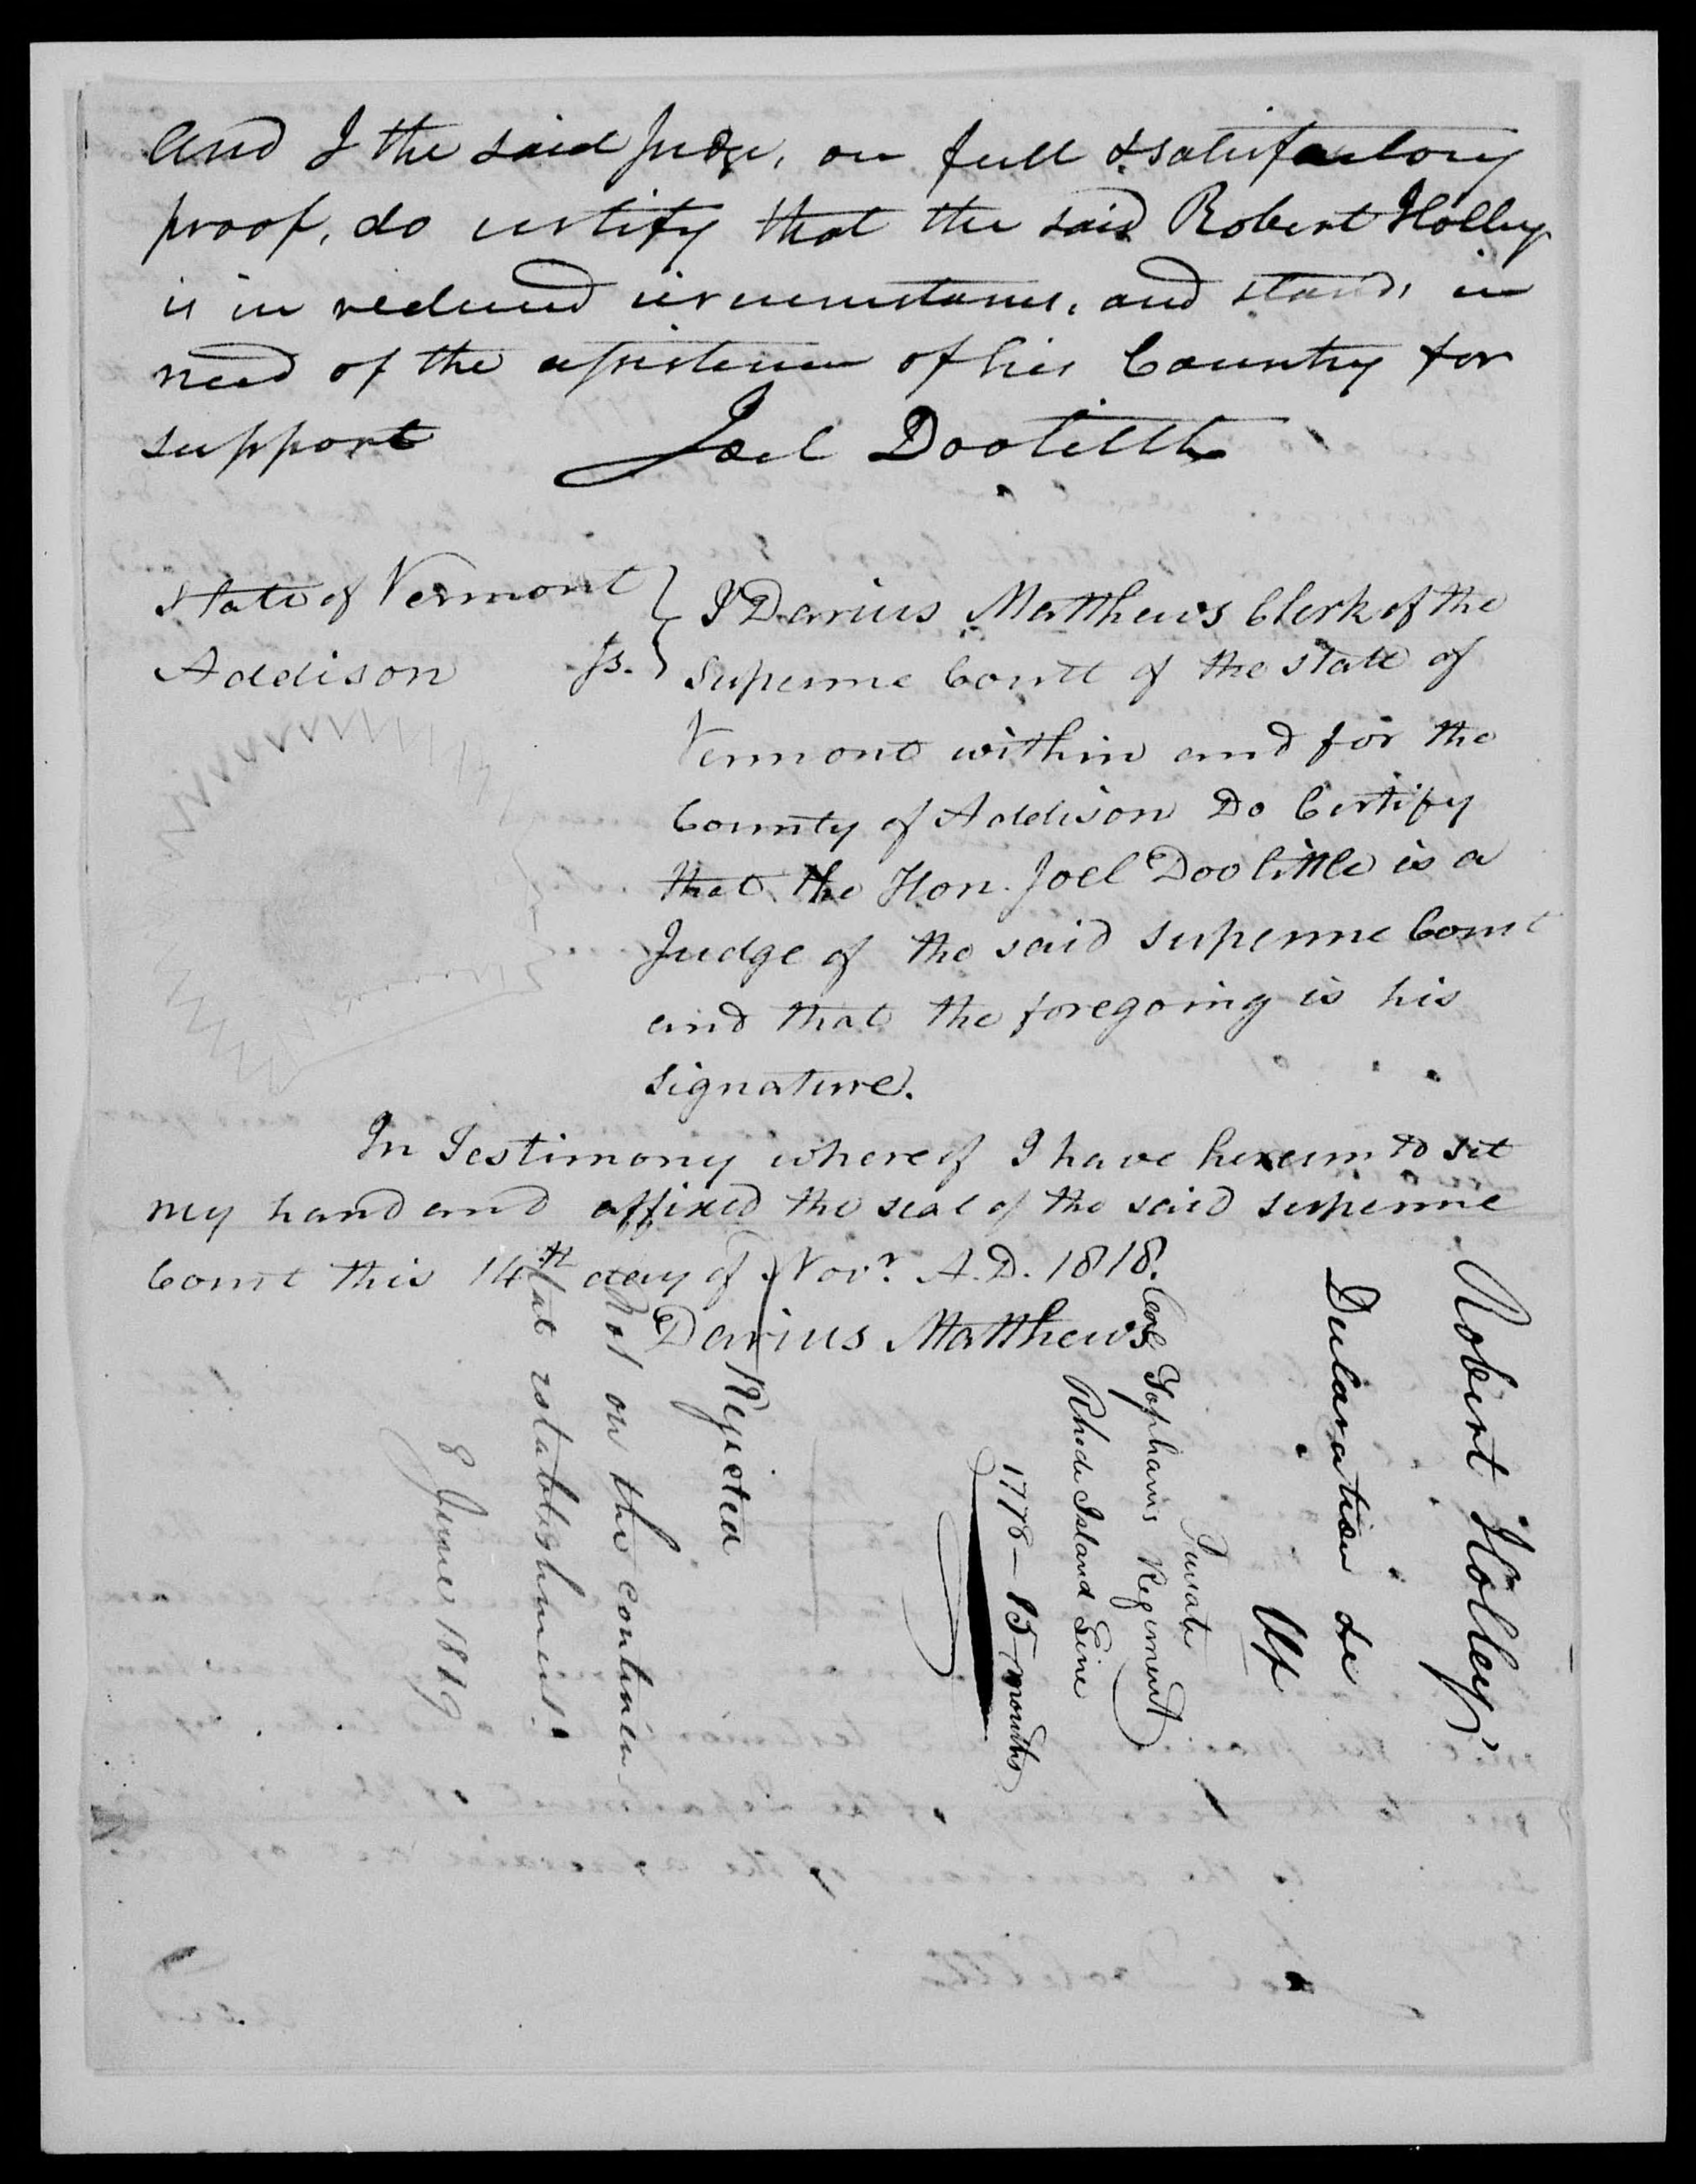And I the said Judge, on full & satisfactory
proof, do certify that the said Robert Holley
is in reduced circumstance, and stands in
need of the assistance of his country for
support
Joel Doolittle


State of Vermont
Addison  ss 
I Darius Matthews Clerk of the
Supreme Court of the state of
Vermont within and for the
County of Addison Do certify
that the Hon Joel Doolittle is a
Judge of the said Supreme Court
and that the foregoing is his
Signature.

In Testimony whereof I have hereunto set
my hand and affixed the seal of the said supreme
Court this 14th day of Novr A.D. 1818.
Darius Matthews
[sideways]
Robert Holley
Declaration
Private
Col Topham's Regiment
Rhode Island line
1778-15 months

Rejected
Not on the continental
rolls [illegible]
8 June 1819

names: Robert Holley, Darius Matthews, Joel Doolittle, Darius Matthews, Joel Doolittle, Robert Holley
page: 48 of 62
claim: widow's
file: W. 21391, Robert Holley, Conn.